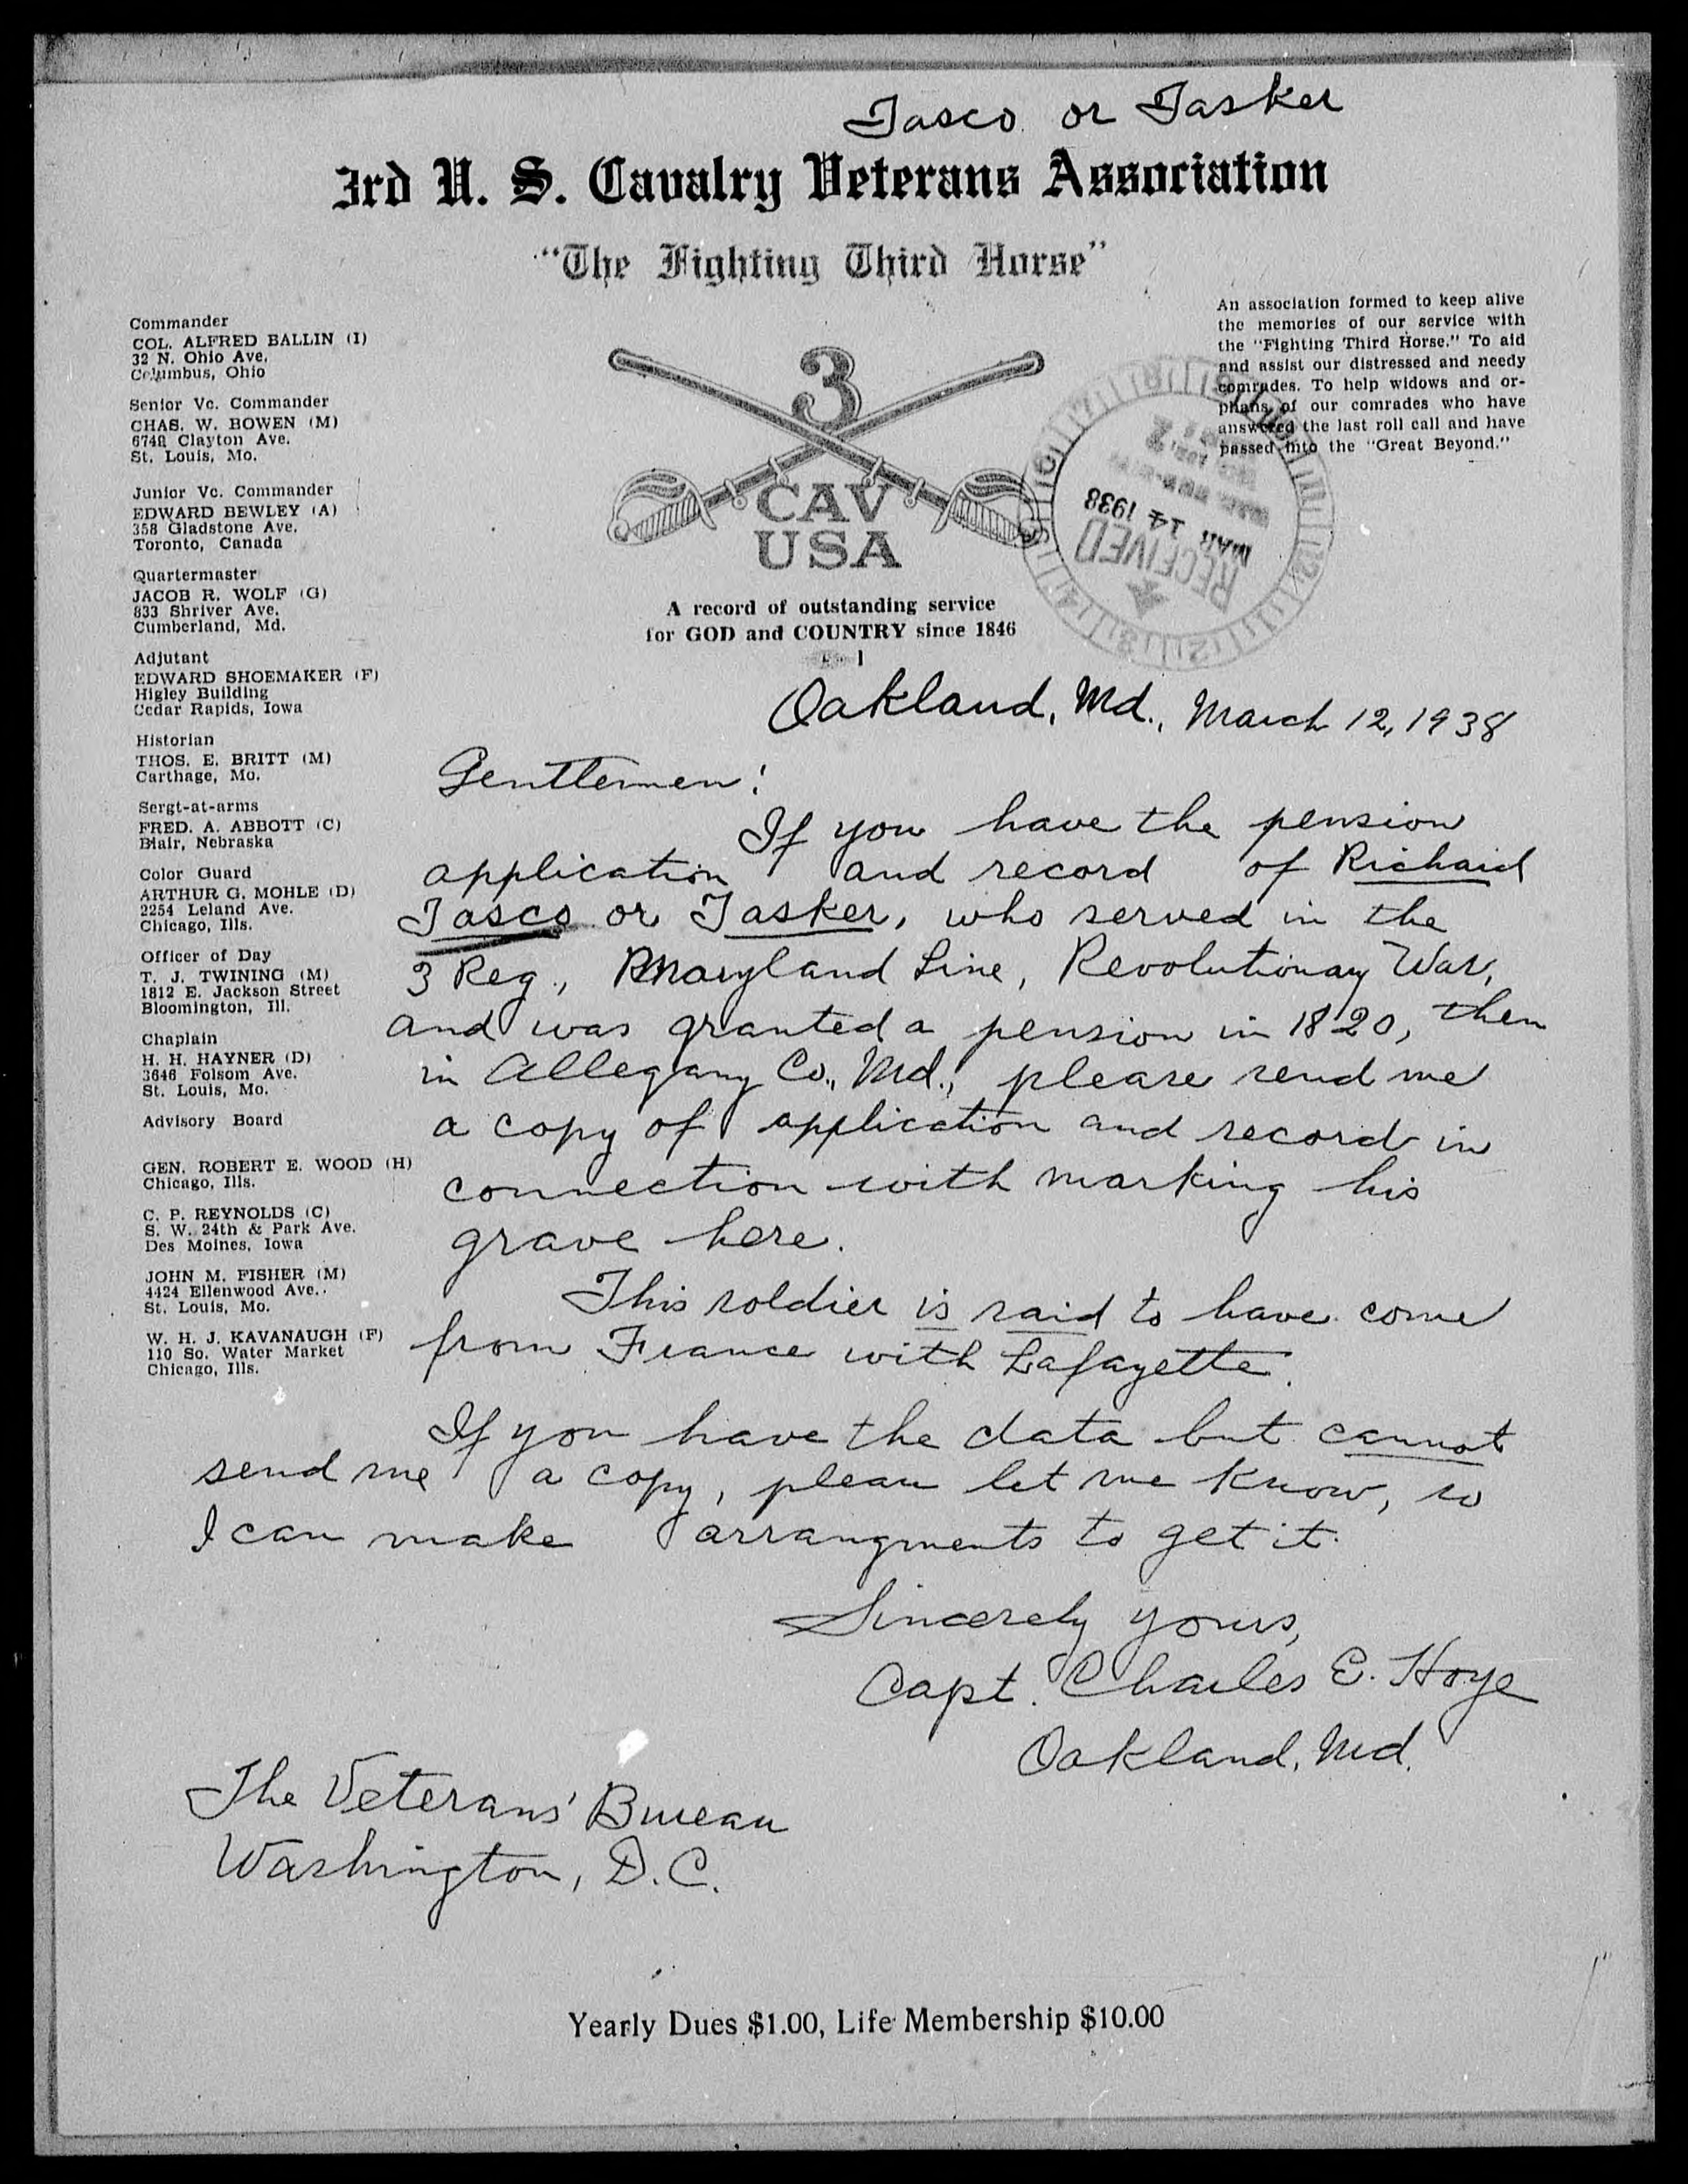Tasco or Tasker
3rd U.S. Cavalry Veterans Association
"The Fighting Third Horse"
An association formed to keep alive the memories of our service with the "Fighting Third Horse." To aid and assist our distressed and needy comrades. To help widows and orphans of our comrades who have answered the last roll call and have passed into the "Great Beyond."
3 
Cav
USA
A record of outstanding service for GOD and COUNTRY since 1846 
RECEIVED MAR 14 1938 [stamp]

Oakland, MD, March 12, 1938
Gentlemen:
If you have the pension application and record of Richard Task or Tasker, who served in the 3 Reg, Maryland Line, Revolutionary War, and was granted a pension in 1820, then in Allegany Co., Md., please send me a copy of application and record in connection with marking his grave here.
This soldier is said to have come from France with Lafayette.
If you have the date but cannot [underlined] send me a copy, please let me know, so I can make arrangements to get it.
Sincerely yours,
Capt. Charles E. Hoye
Oakland, Md
The Veterans' Bureau
Washington, D.C.


Commander
Col Alfred Ballin (I)
32 N. Ohio Ave.
Columbus, Ohio

Senior Vc. Commander
Chas. W. Bowen (M)
6749 Clayton Ave.
St Louis, Mo

Junior Vc. Commander
Edward Bewley (A)
358 Gladstone Ave
Toronto, Canada

Quartermaster
Jacob R. Wolf (G)
833 Shriver Ave.
Cumberland, Md

Adjutant 
Edward Shoemaker (F)
Higley Building
Cedar Rapids, Iowa

Historian
Thos. E. Britt (M)
Carthage, Mo

Sergt-at-arms
Fred A. Abbott (C)
Blair, Nebraska

Color Guard
Arthur G Mohle (D)
2254 Leland Ave
Chicago, Ills

Officer of Day
T. J. Twining (M)
1812 E Jackson Street
Bloomington, Ill

Chaplain
H. H. Hayner (D)
3646 Folsom Ave
St Louis, Mo

Advisory Board

Gen. Robert E. Wood (H)
Chicago, Ills

C. P. Reynolds (C)
S. W. 24th & Park Ave
Des Moines, Iowa

John M. Fisher (M)
4424 Ellenwood Ave.
St Louis, Mo

W. H. J. Kavanaugh (F)
110 So. Water Market
Chicago, Ills.

Yearly Dues $1.00, Life Membership $10.00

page: 24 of 25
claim: survivor's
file: S. 35093, for Richard R Tasker, Maryland